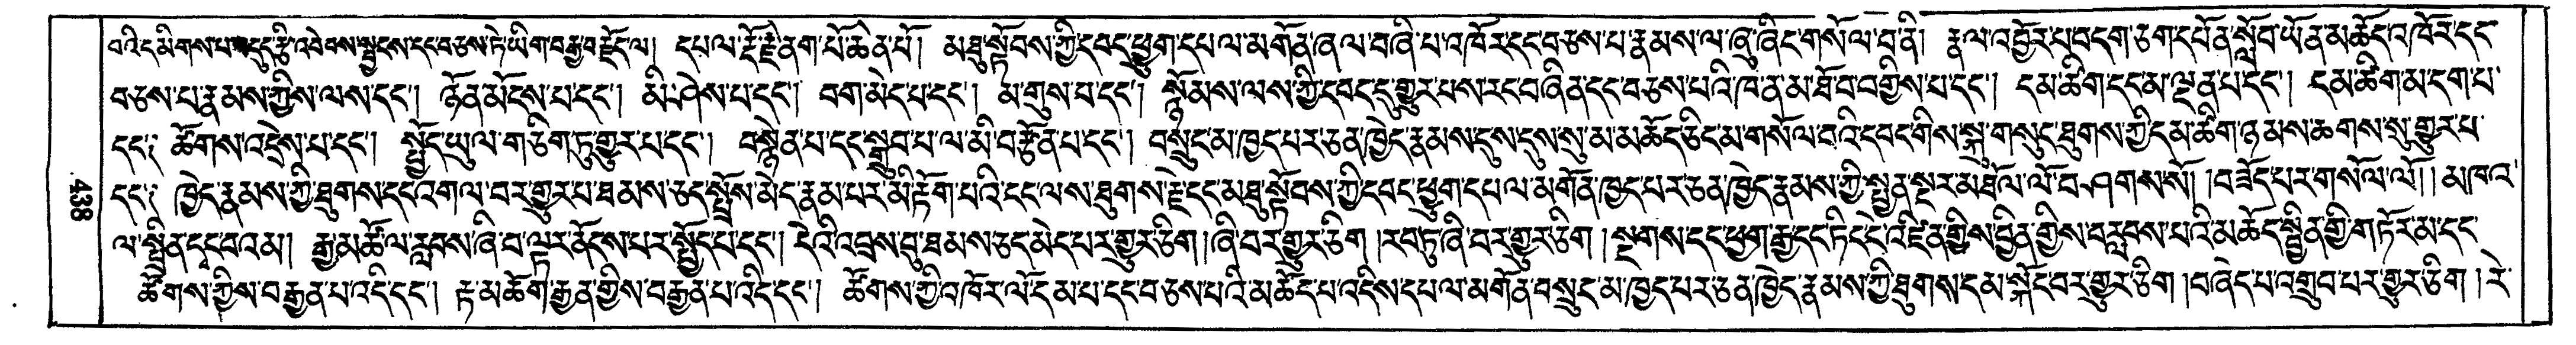བའི་དམིགས་པ་བདུད་རྩི་འབེབས་སྦྱངས་དང་བཅས་ཏེ་ཡིག་བརྒྱ་བརྗོད་ལ། དཔལ་རྡོ་རྗེ་ནག་པོ་ཆེན་པོ། མཐུ་སྟོབས་ཀྱི་དབང་ཕྱུག་དཔལ་མགོན་ཞལ་བཞི་པ་འཁོར་དང་བཅས་པ་རྣམས་ལ་ཞུ་ཞིང་གསོལ་བ་ནི། རྣལ་འབྱོར་བ་བདག་ཅག་དཔོན་སློབ་ཡོན་མཆོད་འཁོར་དང་
བཅས་པ་རྣམས་ཀྱིས་ལས་དང་། ཉོན་མོངས་པ་དང་། མི་ཤེས་པ་དང་། བག་མེད་པ་དང་། མ་གུས་པ་དང་། སྙོམས་ལས་ཀྱི་དབང་དུ་གྱུར་བས་རང་བཞིན་དང་བཅས་པའི་ཁན་མ་ཐོ་བ་བགྱིས་པ་དང་། དམ་ཚིག་དང་མི་ལྡན་པ་དང་། དམ་ཚིག་མ་དག་པ་
དང༑ ཚོགས་འདྲེས་པ་དང་། སྤྱོད་ཡུལ་གཅིག་ཏུ་གྱུར་པ་དང་། བསྙེན་པ་དང་སྒྲུབ་པ་ལ་མི་བརྩོན་པ་དང་། བསྲུང་མ་ཁྱད་པར་ཅན་ཁྱེད་རྣམས་དུས་དུས་སུ་མ་མཆོད་ཅིང་མ་གསོལ་བའི་དབང་གིས་སྐུ་གསུང་ཐུགས་ཀྱི་དམ་ཚིག་ཉམས་ཆགས་སུ་གྱུར་པ་
དང༑ ཁྱེད་རྣམས་ཀྱི་ཐུགས་དང་འགལ་བར་གྱུར་པ་ཐམས་ཅད་སྤྲོས་མེད་རྣམ་པར་མི་རྟོག་པའི་ངང་ལས་ཐུགས་རྗེ་དང་མཐུ་སྟོབས་ཀྱི་དབང་ཕྱུག་དཔལ་མགོན་ཁྱད་པར་ཅན་ཁྱེད་རྣམས་ཀྱི་སྤྱན་སྔར་མཐལ་ལོ་བཤགས་སོ། །བཟོད་པར་གསོལ་ལོ། །མཁའ་
ལ་སྤྲིན་དྭངས་བའམ། རྒྱ་མཚོ་ལ་རླབས་ཞི་བ་ལྟར་ནོངས་པར་སྤྱོད་པ་དང་། དེའི་འབྲས་བུ་ཐམས་ཅད་མེད་བར་གྱུར་ཅིག །ཞི་བར་གྱུར་ཅིག །རབ་ཏུ་ཞི་བར་གྱུར་ཅིག །སྔགས་དང་ཕྱག་རྒྱ་དང་ཏིང་ངེ་འཛིན་གྱིས་བྱིན་གྱིས་བརླབས་པའི་མཆོད་སྦྱིན་གྱི་གཏོར་མ་དར་
སྣ་ཚོགས་ཀྱིས་བརྒྱན་པ་འདི་དང་། རྟ་མཆོག་རྒྱན་གྱིས་བརྒྱན་པ་འདི་དང་། ཚོགས་ཀྱི་འཁོར་ལོ་དམ་པ་དང་བཅས་པའི་མཆོད་པ་འདིས་དཔལ་མགོན་བསྲུང་མ་ཁྱད་པར་ཅན་ཁྱེད་པར་ཅན་ཀྱེད་རྣམས་ཀྱི་ཐུགས་དམ་སྐོང་བར་གྱུར་ཅིག །བཞེད་པ་འགྲུབ་པར་གྱུར་ཅིག །བཞེད་པ་འགྲུབ་པར་གྱུར་ཅིག །རེ་